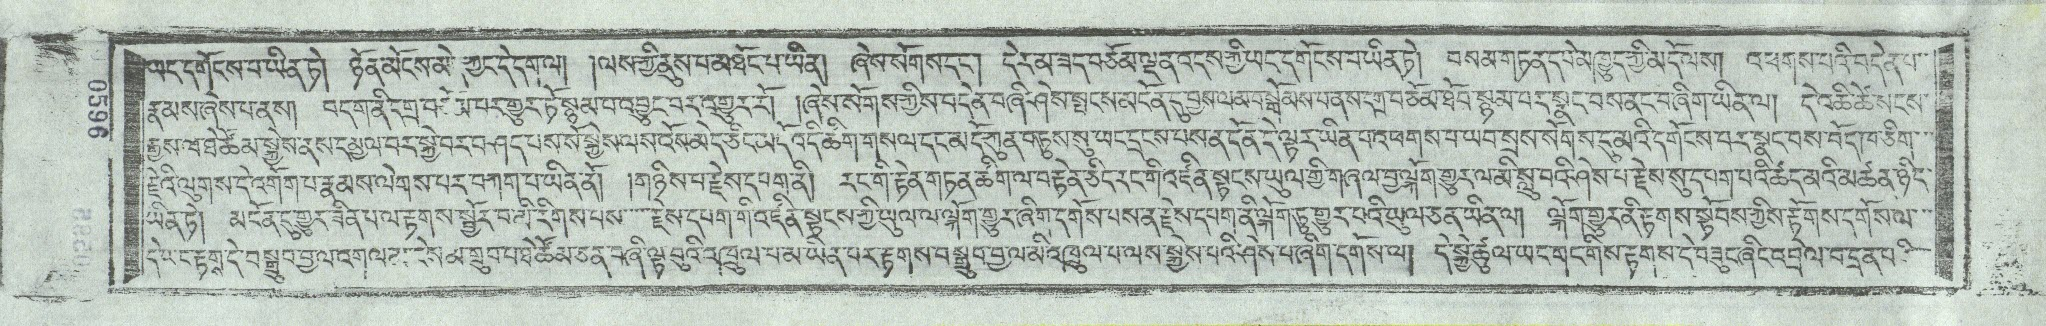ཡང་དགོངས་པ་ཡིན་ཏེ། ཉོན་མོངས་མེད་ཀྱང་དེ་དག་ལ། །ལས་ཀྱི་ནུས་པ་མཐོང་པ་ཡིན། ཞེས་སོགས་དང་། དེར་མ་ཟད་བཅོམ་ལྡན་འདས་ཀྱི་ཡང་དགོངས་པ་ཡིན་ཏེ། བསམ་གཏན་དཔེ་མཁྱུད་ཀྱི་མདོ་ལས། འཕགས་པའི་བདེན་པ་
རྣམས་ཞེས་པ་ནས། བདག་ནི་དགྲ་བཅོམ་པར་གྱུར་ཏོ་སྙམ་པ་འབྱུང་བར་འགྱུར་རོ། །ཞེས་སོགས་ཀྱིས་བདེན་བཞི་ཤེས་སྤངས་མངོན་དུ་བྱས་ལམ་བསྒོམས་པ་ནས་དགྲ་བཅོམ་ཐོབ་སྙམ་པར་སྣང་བས་ནང་བ་ཞིག་ཡིན་ལ། དེ་འཆི་ཚེ་སངས་
རྒྱས་ལ་ཐེ་ཚོམ་སྐྱེས་ནས་དམྱལ་བར་སྐྱེ་བར་བཤད་པས་སོ་སྐྱེས་ལས་འོས་མེད་ཅིང་མདོ་འདི་ཚིག་གསལ་དང་མདོ་ཀུན་བཏུས་སུ་ཡང་དྲངས་པས་ན་དོན་དེ་ལྟར་ཡིན་པ་འཕགས་པ་ཡབ་སྲས་སོགས་དུ་མའི་དགོངས་པར་སྣང་བས་བོད་ཁ་ཅིག་
རྗེའི་ལུགས་དེ་འགོག་པ་རྣམས་ལེགས་པར་བཀག་པ་ཡིན་ནོ། །གཉིས་པ་རྗེས་དཔག་ནི། རང་གི་རྟེན་གཏན་ཚིག་ལ་བརྟེན་ཅིང་རང་གི་འཛིན་སྟངས་ཡུལ་གྱི་གཞལ་བྱ་ལྐོག་གྱུར་ལ་མི་སླུ་བའི་ཤེས་པ་རྗེས་སུ་དཔག་པའི་ཚད་མའི་མཚན་ཉིད་
ཡིན་ཏེ། མངོན་དུ་གྱུར་ཟིན་པ་ལ་རྟགས་སྦྱོར་བ་མི་རིགས་པས་རྗེས་དཔག་གི་འཛིན་སྟངས་ཀྱི་ཡུལ་ལ་ལྐོག་གྱུར་ཞིག་དགོས་པས་ན་རྗེས་དཔག་ནི་ལྐོག་ཏུ་གྱུར་པའི་ཡུལ་ཅན་ཡིན་ལ། ལྐོག་གྱུར་ནི་རྟགས་སྟོབས་ཀྱིས་རྟོགས་དགོས་ལ་
དེ་ཡང་རྟགས་དེ་བསྒྲུབ་བྱ་ལ་འགལ་མ་ངེས་མ་གྲུབ་པ་ཐེ་ཚོམ་ཅན་བཞི་ལྟ་བུའི་འཁྲུལ་པ་མ་ཡིན་པར་རྟགས་བསྒྲུབ་བྱ་ལ་མི་འཁྲུལ་པ་ལས་སྐྱེས་པའི་ཤེས་པ་ཞིག་དགོས་ལ། དེ་སྐྱེ་ཚུལ་ཡང་གང་གིས་རྟགས་དེ་བཟུང་ཞིང་འབྲེལ་བ་དྲན་པའི་